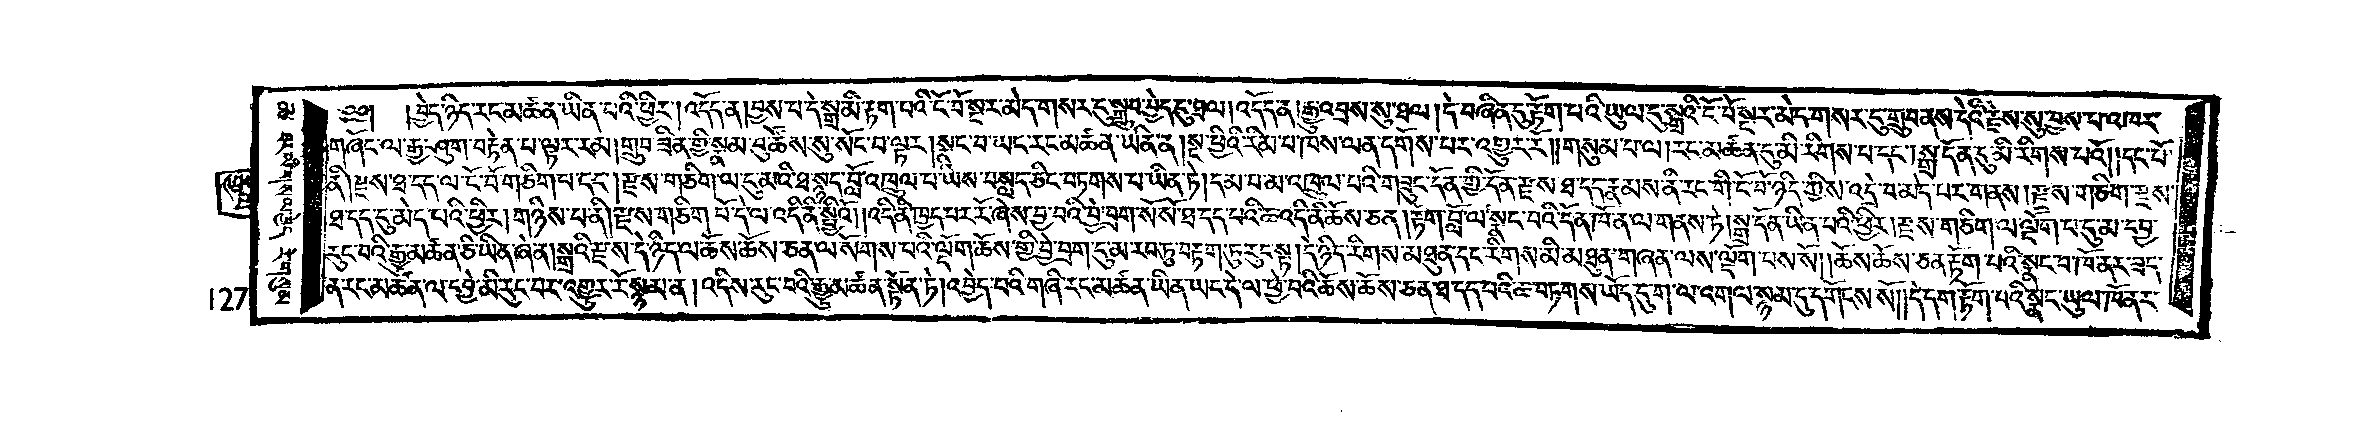༄༅། །བྱེད་ཉིད་རང་མཚན་ཡིན་པའི་ཕྱིར། འདོད་ན། བྱས་པ་དེ་སྒྲ་མི་རྟག་པའི་ངོ་བོ་སྔར་མེད་གསར་དུ་སྒྲུབ་བྱེད་དུ་ཐལ། འདོད་ན། རྒྱུ་འབྲས་སུ་ཐལ། དེ་བཞིན་དུ་རྟོག་པའི་ཡུལ་དུ་སྒྲའི་ངོ་བོ་སྔར་མེད་གསར་དུ་གྲུབ་ནས་དེའི་རྗེས་སུ་བྱས་པ་འཁར་
གཞོང་ལ་རྒྱ་ཤུག་བརྟེན་པ་ལྟར་རམ། གྲུབ་ཟིན་གྱི་སྣམ་བུ་ཚོས་སུ་སོང་བ་ལྟར། སྣང་བ་ཡང་རང་མཚན་ཡིན་ན། སྔ་ཕྱིའི་རིམ་པ་ཁས་ལན་དགོས་པར་འགྱུར་རོ། །གསུམ་པ་ལ། རང་མཚན་དུ་མི་རིགས་པ་དང་། སྒྲ་དོན་དུ་མི་རིགས་པའོ། །དང་པོ་
ནི། རྫས་ཐ་དད་ལ་ངོ་བོ་གཅིག་པ་དང་། རྫས་གཅིག་ལ་དུ་མའི་ཐ་སྙད་བློ་འཁྲུལ་པ་ཡིས་བསླད་ཅིང་བཏགས་པ་ཡིན་ཏེ། དམ་པ་མ་འཁྲུལ་པའི་གཟུང་དོན་གྱི་དོན་རྫས་ཐ་དད་རྣམས་ནི་རང་གི་ངོ་བོ་ཉིད་ཀྱིས་འདྲི་?་བ་མེད་པར་གནས། རྫས་གཅིག་རྫས་
ཐ་དད་དུ་མེད་པའི་ཕྱིར། གཉིས་པ་ནི། རྫས་གཅིག་པོ་དེ་ལ་འདི་ནི་སྤྱིའོ། །འདི་ནི་ཁྱད་པར་རོ་ཞེས་བྱ་བའི་བྱེ་བྲག་སོ་སོ་ཐ་དད་པའི་ཆ་འདི་ནི་ཆོས་ཅན། རྟོག་བློ་ལ་སྣང་བའི་དོན་ཁོ་ན་ལ་གནས་ཏེ། སྒྲ་དོན་ཡིན་པའི་ཕྱིར། རྫས་གཅིག་ལ་ལྡོག་པ་དུ་མ་དབྱེ་
རུང་བའི་རྒྱུ་མཚན་ཅི་ཡིན་ཞེ་ན། སྒྲའི་རྫས་དེ་ཉིད་ལ་ཆོས་ཆོས་ཅན་ལ་སོགས་པའི་ལྡོག་ཆོས་གྱི་བྱེ་བྲག་དུ་མ་རབ་ཏུ་བརྟག་ཏུ་རུང་སྟེ། དེ་ཉིད་རིགས་མཐུན་དང་རིགས་མི་མཐུན་གཞན་ལས་ལྡོག་པས་སོ། །ཆོས་ཆོས་ཅན་རྟོག་པའི་སྣང་བ་ཁོ་ནར་ཟད་
ན་རང་མཚན་ལ་དབྱེ་མི་རུང་བར་འགྱུར་རོ་སྙམ་ན། འདིས་རུང་བའི་རྒྱུ་མཚན་སྟོན་ཏེ། འབྱེད་པའི་གཞི་རང་མཚན་ཡིན་ཡང་དེ་ལ་ཕྱེ་བའི་ཆོས་ཆོས་ཅན་ཐ་དད་པའི་ཆ་བཏགས་ཡོད་དུ་ག་ལ་འགལ་སྙམ་དུ་དགོངས་སོ། །དེ་དག་རྟོག་པའི་སྣང་ཡུལ་ཁོ་ནར་